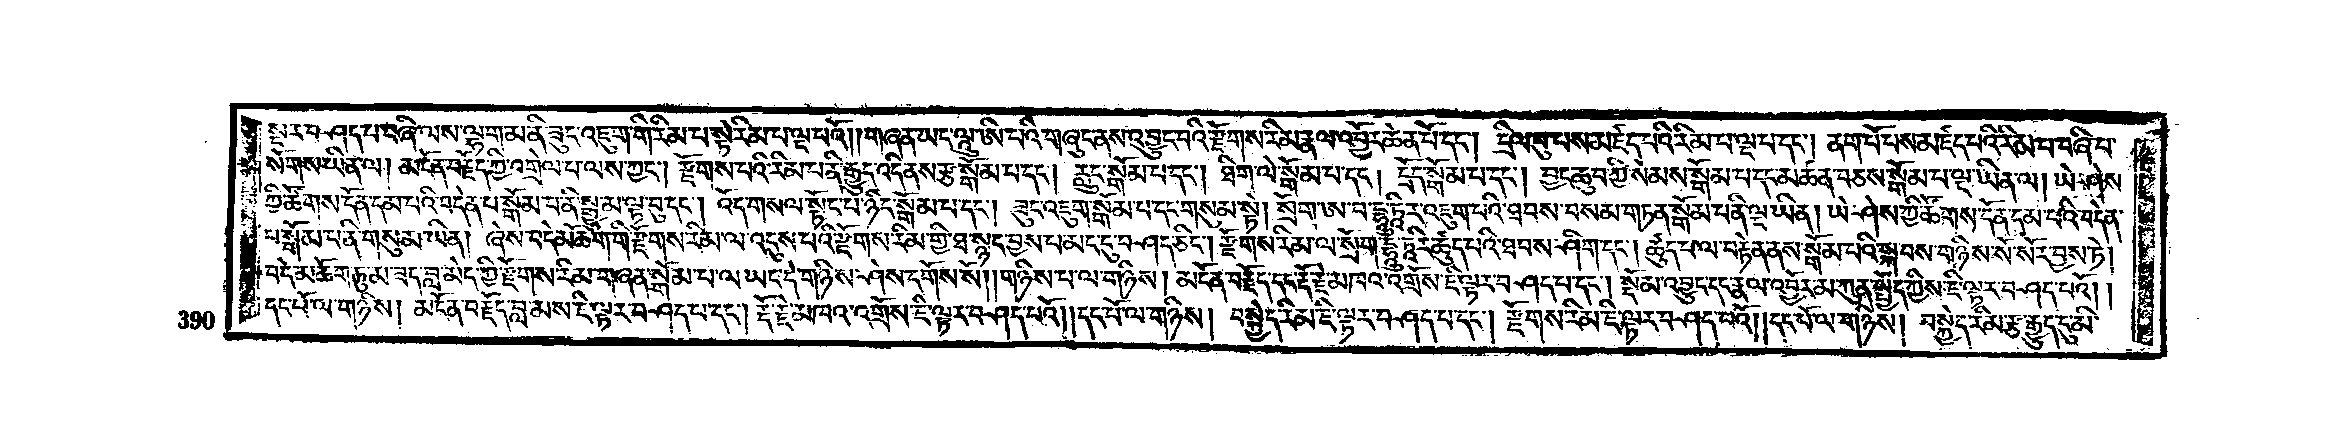སྔར་བཤད་པ་བཞི་ལས་ལྷག་མ་ནི་ཟུང་འཇུག་གི་རིམ་པ་སྟེ་རིམ་པ་ལྔ་པའོ། །གཞན་ཡང་ལཱུ་ཨི་པའི་གཞུང་ནས་འབྱུང་བའི་རྫོགས་རིམ་རྣལ་འབྱོར་ཆེན་པོ་དང་། དྲིལ་བུ་པས་མཛད་པའི་རིམ་པ་ལྔ་པ་དང་། ནག་པོ་པས་མཛད་པའི་རིམ་པ་བཞི་པ་
སོགས་ཡིན་ལ། མངོན་བརྗོད་ཀྱི་འགྲེལ་པ་ལས་ཀྱང་། རྫོགས་པའི་རིམ་པ་ནི་རྒྱུད་འདི་ནས་རྩ་སྒོམ་པ་དང་། རླུང་སྒོམ་པ་དང་། ཐིག་ལེ་སྒོམ་པ་དང་། དྲོད་སྒོམ་པ་དང་། བྱང་ཆུབ་ཀྱི་སེམས་སྒོམ་པ་དང་མཚན་བཅས་སྒོམ་པ་ལྔ་ཡིན་ལ། ཡེ་ཤེས་
ཀྱི་ཚོགས་དོན་དམ་པའི་བདེན་པ་སྒོམ་པ་ནི་སྒྱུ་མ་ལྟ་བུ་དང་། འོད་གསལ་སྟོང་པ་ཉིད་སྒོམ་པ་དང་། ཟུང་འཇུག་སྒོམ་པ་དང་གསུམ་སྟེ། སྲོག་ཨ་བ་དྷཱུ་ཏཱིར་འཇུག་པའི་ཐབས་བསམ་གཏན་སྒོམ་པ་ནི་ལྔ་ཡིན། ཡེ་ཤེས་ཀྱི་ཚོགས་དོན་དམ་པའི་བདེན་
པ་སྒོམ་པ་ནི་གསུམ་ཡིན། ཞེས་བདེ་མཆོག་གི་རྫོགས་རིམ་ལ་འདུས་པའི་རྫོགས་རིམ་གྱི་ཐ་སྙད་བྱས་པ་མང་དུ་བཤད་ཅིང་། རྫོགས་རིམ་ལ་སྲོག་དྷཱུ་ཏཱིར་ཚུད་པའི་ཐབས་ཤིག་དང་། ཚུད་པ་ལ་བརྟེན་ནས་སྒོམ་པའི་སྐབས་གཉིས་སོ་སོར་བྱས་ཏེ།
བདེ་མཆོག་ཏུ་མ་ཟད་བླ་མེད་ཀྱི་རྫོགས་རིམ་གཞན་སྒོམ་པ་ལ་ཡང་དེ་གཉིས་ཤེས་དགོས་སོ། །གཉིས་པ་ལ་གཉིས། མངོན་བརྗོད་དང་རྡོ་རྗེ་མཁའ་འགྲོ་ཇི་ལྟར་བཤད་པ་དང་། སྡོམ་འབྱུང་དང་རྣལ་འབྱོར་མ་ཀུན་སྤྱོད་ཀྱིས་ཇི་ལྟར་བཤད་པའོ། །
དང་པོ་ལ་གཉིས། མངོན་བརྗོད་བླ་མས་ཇི་ལྟར་བཤད་པ་དང་། རྡོ་རྗེ་མཁའ་འགྲོས་ཇི་ལྟར་བཤད་པའོ། །དང་པོ་ལ་གཉིས། བསྐྱེད་རིམ་ཇི་ལྟར་བཤད་པ་དང་། རྫོགས་རིམ་ཇི་ལྟར་བཤད་པའོ། །དང་པོ་ལ་གཉིས། བསྐྱེད་རིམ་རྩ་རྒྱུད་དུ་མི་